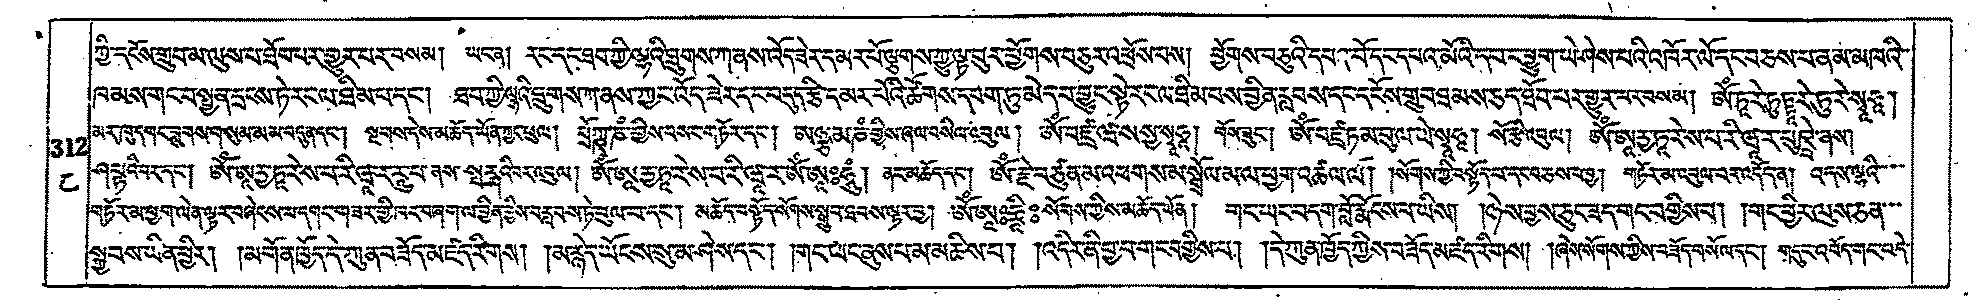ཀྱི་དངོས་གྲུབ་མ་ལུས་པ་ཐོབ་པར་གྱུར་པར་བསམ། ཡང་ན།  རང་དང་ཐབ་ཀྱི་ལྷའི་ཐུགས་ཀ་ནས་འོད་ཟེར་དམར་པོ་ལྕགས་ཀྱུ་ལྟ་བུར་ཕྱོགས་བཅུར་འཕྲོས་པས། ཕྱོགས་བཅུའི་དཔའ་བོ་དང་དཔའ་མོའི་དབང་ཕྱུག་ཡེ་ཤེས་པའི་འཁོར་ལོ་དང་བཅས་པ་ནམ་མཁའི་
ཁམས་གང་བ་སྤྱན་དྲངས་ཏེ་རང་ལ་ཐིམ་པ་དང་། ཐབ་ཀྱི་ལྷའི་ཐུགས་ཀ་ནས་ཀྱང་འོད་ཟེར་དང་བདུད་རྩི་དམར་པོའི་ཚོགས་དཔག་ཏུ་མེད་པ་བྱུང་སྟེ་རང་ལ་ཐིམ་པས་བྱིན་རླབས་དང་དངོས་གྲུབ་ཐམས་ཅད་ཐོབ་པར་གྱུར་པར་བསམ།  ཨོཾ་ཏཱ་རེ་ཏུཏྟཱ་རེ་ཏུ་རེ་སྭཱཧཱ།
མར་ཁུ་དགང་བླུགས་གསུམ་མམ་བདུན་དང་། སྔགས་དེས་མཆོད་ཡོན་ཀྱང་ཕུལ།  པྲོཀྵ་ཎཾ་གྱིས་བསང་གཏོར་དང་།  ཨཉྩ་མ་ཎཾ་གྱིས་ཞལ་བསིལ་འབུལ།  ཨོཾ་བཛྲ་ཝ་སསྱ་སྭཱཧཱ། གོས་ཟུང་།  ཨོཾ་བཛྲ་ཏམ་བུ་ལ་ཡེ་སྭཱཧའ། ཨོཾ་རྩི་འབུལ།  ཨོཾ་ཨཱ་རྱ་ཏཱ་རེ་ས་པ་རི་ཝཱ་ར་པུཥྤེ་ནས།
ཤཔྟའི་བར་དང་།  ཨོཾ་ཨཱ་རྱ་ཏཱ་རེ་ས་པ་རི་ཝཱ་ར་རཱུ་པ་ནས་སྤརྴའི་བར་འབུལ།  ཨོཾ་ཨཱ་རྱ་ཏཱ་རེ་ས་པ་རི་ཝཱ་ར་ཨོཾ་ཨཱཿཧཱུཾ། ནང་མཆོད་དང་།  ཨོཾ་རྗེ་བཙུན་མ་འཕགས་མ་སྒྲོལ་མ་ལ་ཕྱག་འཚལ་ལོ། །སོགས་ཀྱི་བསྟོད་པ་དང་བཅས་པ་བྱ། གཏོར་མ་འབུལ་བར་འདོད་ན། འདས་ལྷའི་་་
གཏོར་མ་ཕྱག་ལེན་ལྟར་བཞེངས་པ་དགང་གཟར་གྱི་ཁར་བཞག་ལ་བྱིན་གྱིས་བརླབས་ཏེ་ཕུལ་བ་དང་། མཆོད་བསྟོད་སོགས་སྒྲུབ་ཐབས་ལྟར་བྱ། ཨོཾ་ཨཱའྷྲཱིཿ སོགས་ཀྱིས་མཆོད་ཡོན།  གང་ཡང་བདག་བློ་རྨོངས་པ་ཡིས། །ཉེས་བྱས་ཅུང་ཟད་གང་བགྱིས་པ། །གང་ཕྱིར་ལུས་ཅན་་་
སྐྱབས་ཡིན་ཕྱིར། །མགོན་ཁྱོད་དེ་ཀུན་བཟོད་མཛད་རིགས། །མ་རྙེད་ཡོངས་སུ་མ་ཤེས་དང་། །གང་ཡང་ནུས་པ་མ་མཆིས་པ། །འདིར་ནི་བྱ་བ་གང་བགྱིས་པ། །དེ་ཀུན་ཁྱོད་ཀྱིས་བཟོད་མཛད་རིགས། །ཞེས་སོགས་ཀྱིས་བཟོད་གསོལ་དང་། གདུང་འབོད་གང་བདེ་